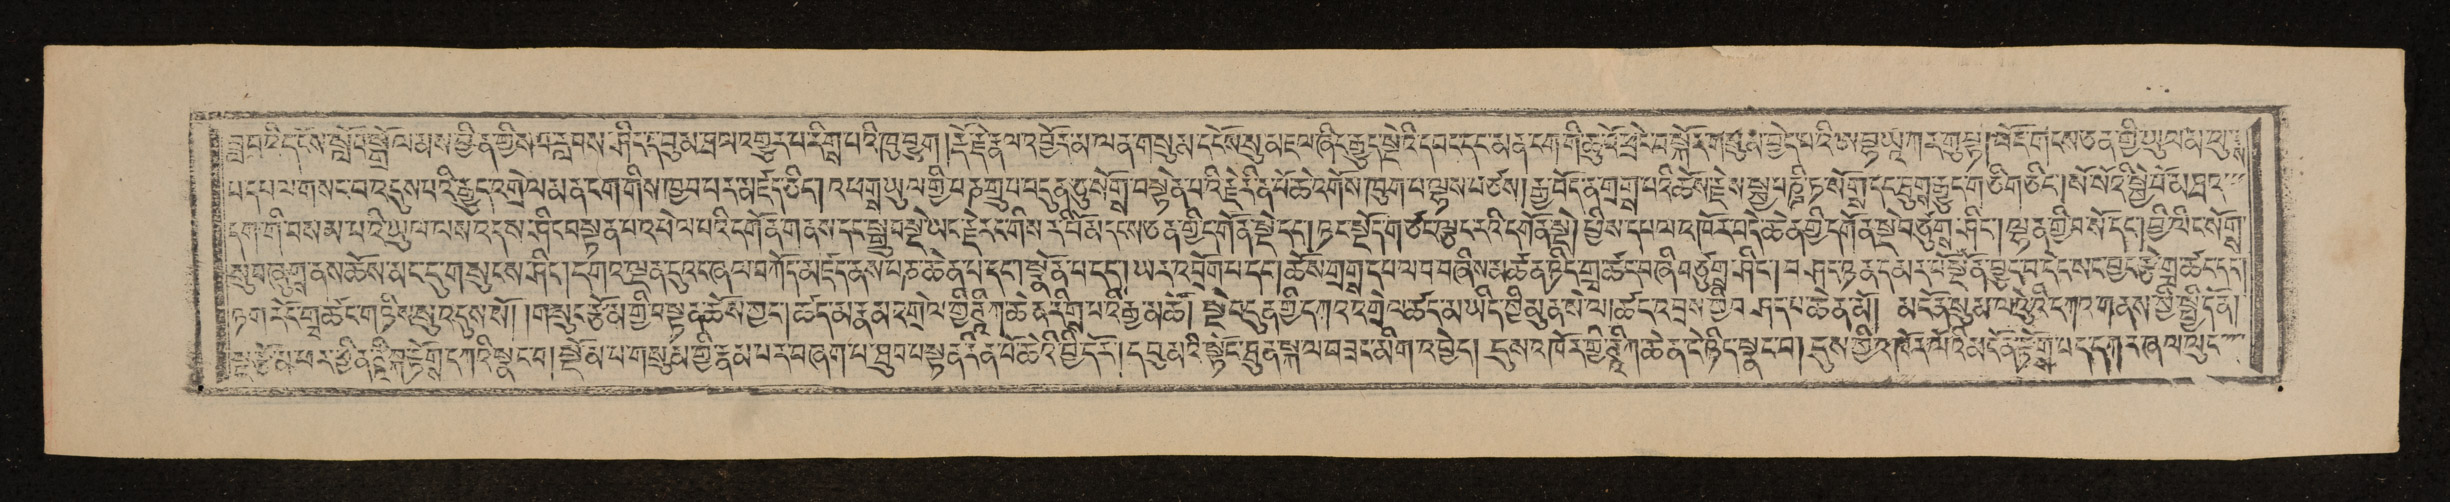ཟླ་བའི་དངོས་སློབ་སྒྲོལ་མས་བྱིན་གྱིས་བརླབས་ཤིང་དབུ་མ་ཐལ་འགྱུར་པ་རིགས་པའི་ཁུ་བྱུག །རྡོ་རྗེ་རྣལ་འབྱོར་མ་ལན་གསུམ་དངོས་སུ་མཇལ་ཞིང་རྒྱུད་སྡེའི་དབང་དང་མན་ངག་གི་ཆུ་བོ་ཕྲེང་བསྐོར་གསུམ་བྱེད་པའི་ཨ་བྷ་ཡཱ་ཀ་ར་གུཔྟ། བོད་གངས་ཅན་གྱི་ཡུལ་མ་ལུས་
པ་དཔལ་གསང་བ་འདུས་པའི་རྒྱུད་འགྲེལ་མན་ངག་གིས་ཁྱབ་པར་མཛད་ཅིང་། འཕགས་ཡུལ་གྱི་པཎ་གྲུབ་བདུན་ཅུ་སོགས་བསྟེན་པའི་རྗེ་རིན་པོ་ཆེ་འགོས་ཁུག་པ་ལྷས་བཙས། རྒྱ་བོད་ན་གྲགས་པའི་ཆོས་རྗེས་སྐྱ་པཎྜི་ཏ་སོགས་དང་ཐུགས་རྒྱུད་གཅིག་ཅིང་། སོ་སོའི་སྐྱེ་བོ་མཐའ་
དག་གི་བསམ་པའི་ཡུལ་ལས་འདས་ཤིང་བསྟན་པ་འཕེལ་བའི་དགོན་གནས་དང་སྒྲུབ་སྡེ་ཡང་རྗེ་རང་གིས་རི་བོ་མདངས་ཅན་གྱི་དགོན་སྡེ་དང་། ཉང་སྡོད་གཙང་ལྕང་རའི་དགོན་སྡེ། ཕྱིས་དཔལ་འཁོར་བདེ་ཆེན་གྱི་དགོན་སྡེ་བཙུགས་ཤིང་། ལྷན་གྱི་བ་སོ་དང་། བྱི་ལིང་སོགས་
སུ་བཞུགས་ནས་ཆོས་མང་དུ་གསུངས་ཤིང་། དགའ་ལྡན་དུའང་ཞལ་བཀོད་མཛད་ནས་པཎ་ཆེན་པ་དང་། སྨོན་པ་དང་། ཡར་འབྲོག་པ་དང་། ཆོས་གྲགས་དཔལ་བ་བཞིས་མཚན་ཉིད་གྲྭ་ཚང་བཞི་བཙུགས་ཤིང་། བཤད་ཉན་དམར་པོ་སྔོན་བྱུང་བ་དེང་སང་བྱང་རྩེ་གྲྭ་ཚང་དང་།
ཉག་རོང་གྲྭ་ཚང་གཉིས་སུ་འདུས་སོ། །གསུང་རྩོམ་གྱི་བསྟན་ཆོས་ཀྱང་། ཚད་མ་རྣམ་འགྲེལ་གྱི་ཊཱིཀྐ་ཆེན་རིགས་པའི་རྒྱ་མཚོ། སྡེ་བདུན་གྱི་དཀའ་འགྲེལ་ཚད་མ་ཡིད་ཀྱི་མུན་སེལ། ཚད་འབྲས་ཀྱི་བཤད་པ་ཆེན་མོ། མངོན་སུམ་ལེའུའི་དཀའ་གནས་ཀྱི་སྤྱི་དོན།
སྔ་རྩོམ་ཕར་ཕྱིན་ཊཱིཀྐ་རྟོགས་དཀའི་སྣང་བ། སྡོམ་པ་གསུམ་གི་རྣམ་པར་བཞག་པ་ཐུབ་བསྟན་རིན་པོ་ཆེའི་བྱི་དོར། དབུ་མའི་སྟོང་ཐུན་སྐལ་བཟང་མིག་འབྱེད། དུས་འཁོར་གྱི་ཊཱིཀ་ཆེན་དེ་ཉིད་སྣང་བ། དུས་ཀྱི་འཁོར་ལོའི་མངོན་རྟོགས་པད་དཀར་ཞལ་ལུང་